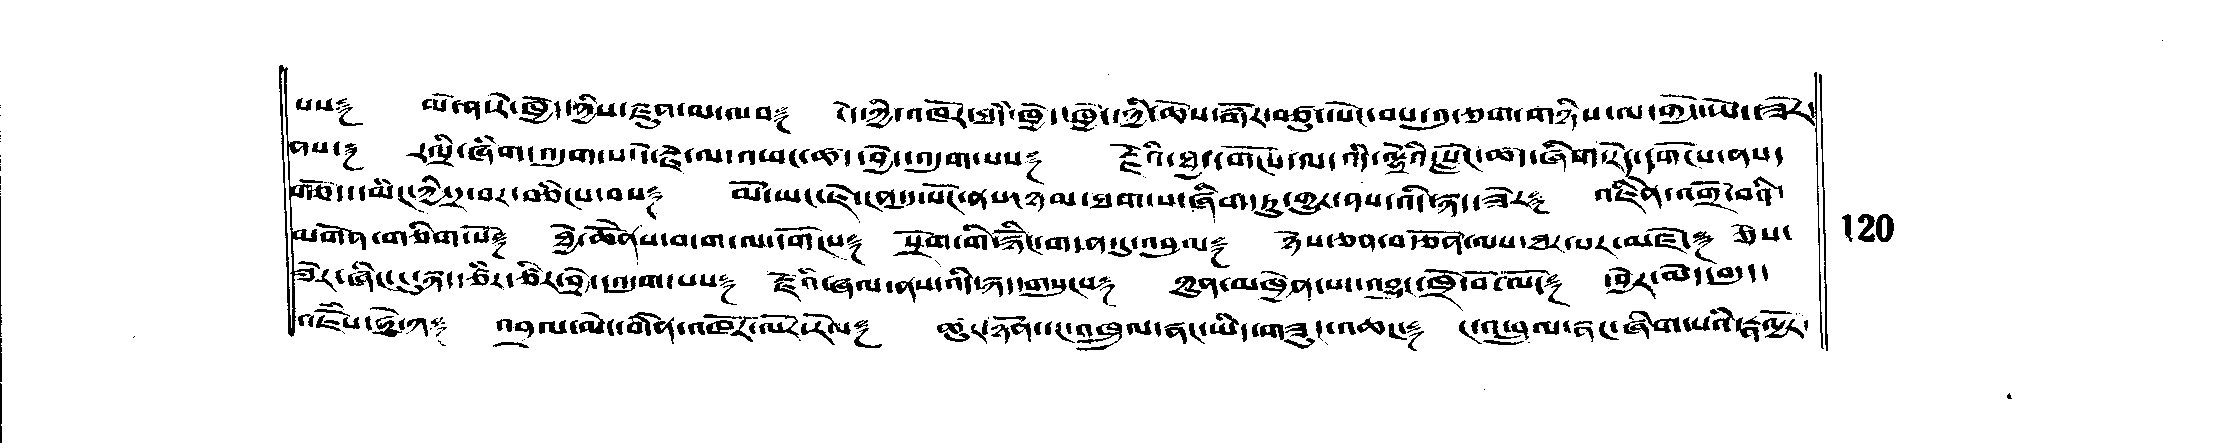པས། མོ་ན་རེ་ཁྱོད་ཀྱིས་རྫུན་མ་ལབ། ངེད་ཀྱི་འཁོར་ཐམས་ཅད་ཁྱོད་ཀྱི་ཆོས་སྒོར་བཙུད་སོང་བས་འུ་ཅག་གཉིས་ལ་གྱོད་ཡོད་ཟེར་
ནས། རལ་གྲི་ཞིག་འདུག་པ་དེ་རྗེ་ལ་འཕང་ཚད་བྱེད་འདུག་པས། རྗེའི་ཐུགས་དགོངས་ལ་འདི་ལྷ་འདྲེའི་སློང་ཚད་ཞིག་རེད་དགོངས་ནས་
གཅོད་དམིགས་ཀྱི་དྲྭ་བར་བཅིངས་པས། མོ་ཡང་ཇེ་ངན་དུ་སོང་ནས་ཉམ་ཐག་པ་ཞིག་ཏུ་གྱུར་ནས་འདི་སྐད་ཟེར། འཇིག་རྟེན་འགྲོ་བའི་
མགོན་གཅིག་པོ། །ཐུགས་རྗེ་ཆེན་པོ་བདག་ལ་དགོངས། །སྲོག་གི་སྙིང་པོ་གདན་དུ་འབུལ། །ཉེས་ཅན་བཙོན་ལས་ཐར་བར་མཛོད། །ཅེས་
ཟེར་ཞིང་ངུ་སྐད་ཙིར་ཙིར་བྱེད་འདུག་པས། རྗེའི་ཞལ་ནས་འདི་སྐད་གསུངས། ཀུན་མཁྱེན་པད་འབྱུང་གྲོ་བོ་ལོད། །དབྱེར་མེད་བདུད་
འཇོམས་ཧེ་རུ་ཀ །འབྲལ་མེད་བདེ་ཆེན་འཁོར་ལོར་རོལ། །ཚུར་ཉོན་དང་འཁྲུལ་སྣང་ཡིད་གཟུགས་འཆང་། །ང་འཁྲུལ་སྣང་ཞིག་པའི་རྣལ་འབྱོར་